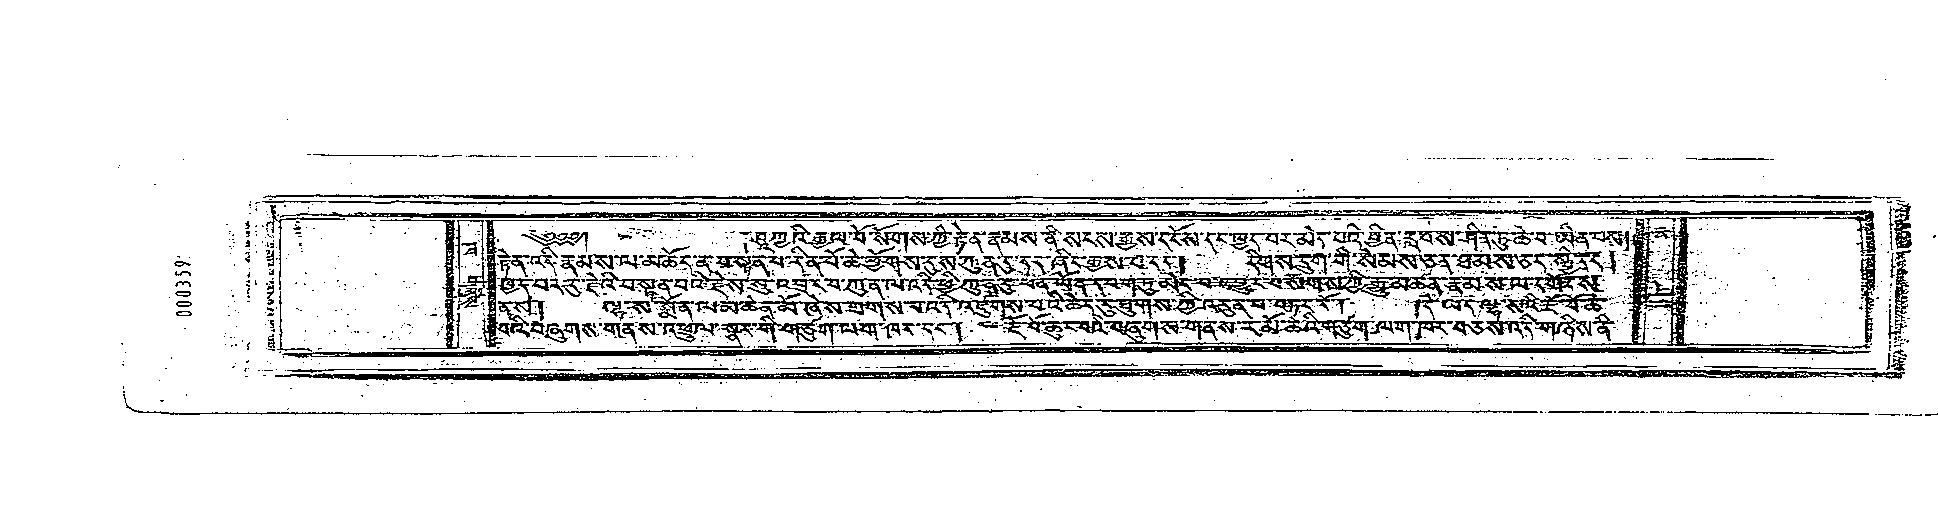༄༅༅། །ཤཱཀྱའི་རྒྱལ་པོ་སོགས་ཀྱི་རྟེན་རྣམས་ནི་སངས་རྒྱས་དངོས་དང་ཁྱད་པར་མེད་པའི་བྱིན་རླབས་ཤིན་ཏུ་ཆེ་བ་ཡིན་པས།
རྟེན་འདི་རྣམས་ལ་མཆོད་ན་བསྟན་པ་རིན་པོ་ཆེ་ཕྱོགས་དུས་ཀུན་དུ་དར་ཞིང་རྒྱས་པ་དང་། རིགས་དྲུག་གི་སེམས་ཅན་ཐམས་ཅད་སྤྱི་དང་།
ཁྱད་པར་དུ་རྗེའི་བསྟན་པའི་རྗེས་སུ་འབྲང་བ་ཀུན་ལ་འདི་ཕྱི་ཀུན་དུ་ཕན་ཡོན་དཔག་ཏུ་མེད་པ་འབྱུང་བ་སོགས་ཀྱི་རྒྱུ་མཚན་རྣམས་ལ་དགོངས་
ནས། ལྷ་ས་སྨོན་ལམ་ཆེན་མོ་ཞེས་གྲགས་པ་འདི་འཛུགས་པའི་ཆེད་དུ་ཐུགས་ཀྱི་འདུན་པ་བཏང་ངོ། །དེ་ཡང་ལྷ་སའི་ཇོ་བོ་ཆེ་
བའི་བཞུགས་གནས་འཕྲུལ་སྣང་གི་གཙུག་ལག་ཁང་དང་། ཇོ་བོ་ཆུང་བའི་བཞུགས་གནས་ར་མོ་ཆེའི་གཙུག་ལག་ཁང་བཅས་འདི་གཉིས་ནི་